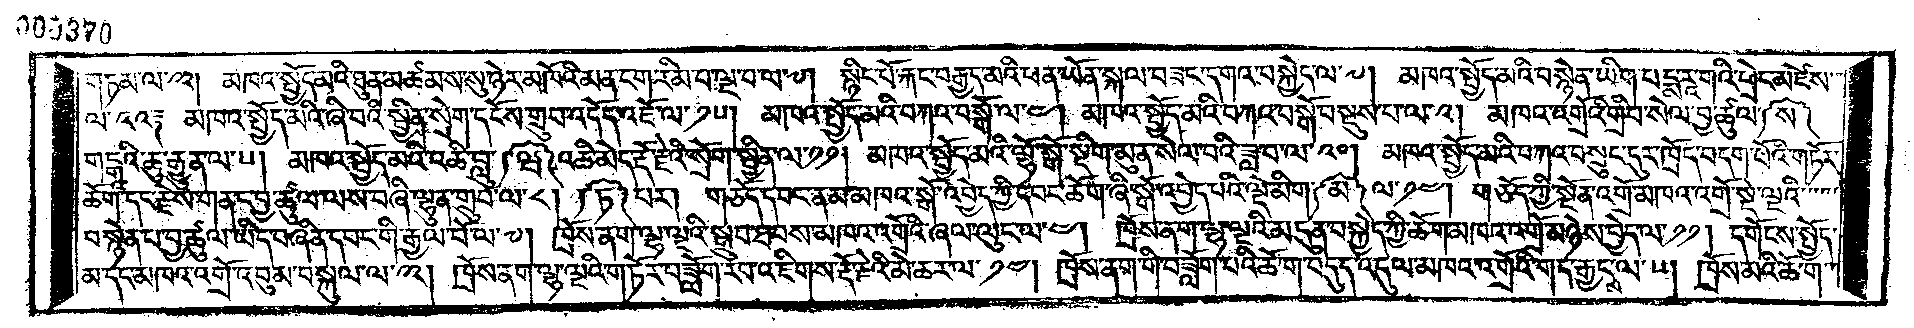གཏམ་ལ ༣། མཁའ་སྤྱོད་མའི་ཐུན་མཚམས་སུ་ཉེར་མཁོའི་མན་ངག་རིམ་པ་ལྔ་པ་ལ ༧། སྙིང་པོ་རྐང་བརྒྱད་མའི་ཕན་ཡོན་སྐལ་བཟང་དགའ་བསྐྱེད་ལ ༧། མཁའ་སྤྱོད་མའི་བསྙེན་ཡིག་པདམ་རཱ་གའི་ཕྲོང་མཛེས་
ལ ༢༢༑ མཁའ་སྤྱོད་མའི་ཞི་བའི་སྦྱིན་སྲེག་དངོས་གྲུབ་འདོད་འཇོ་ལ ༡༥། མཁའ་སྤྱོད་མའི་བཀའ་བསྒོ་ལ ༤། མཁའ་སྤྱོད་མའི་བཀའ་བསྒོ་བསྡུས་པ་ལ ༢། མཁའ་འགྲོའི་གྲིབ་སེལ་བྱ་ཚུལ ༼ས༽
གངྒཱའི་ཆུ་རྒྱུན་ལ ༥། མཁའ་སྤྱོད་མའི་འཆི་བླུ ༼ཝ༽ འཆི་མེད་རྡོ་རྗེའི་སྲོག་སྦྱིན་ལ ༡༡། མཁའ་སྤྱོད་མའི་ལྷོ་སྒོ་སྡིག་མུན་སེལ་བའི་ཟླ་བ་ལ ༢༠། མཁའ་སྤྱོད་མའི་བཀའ་བསྲུང་དུར་ཁྲོད་བདག་པོའི་གཏོར་
ཆོག་དང་རྗེས་གནང་བྱ་ཚུལ་ལས་བཞི་ལྷུན་གྲུབ་ལ ༨། ༼ཏ༽ པར། གཅོད་དབང་ནམ་མཁའ་སྒོ་འབྱེད་ཀྱི་དབང་ཆོག་ཞི་སྒོ་འབྱེད་པའི་ལྡེ་མིག ༼མ༽ ལ ༡༤། གཅོད་ཀྱི་སྔོན་འགྲོ་མཁའ་འགྲོ་སྔ་ལྔའི་
བསྙེན་པ་བྱ་ཚུལ་ཡིད་བཞིན་དབང་གི་རྒྱལ་པོ་ལ ༧། ཁྲོས་ནག་ལྷ་ལྔའི་སྒྲུབ་ཐབས་མཁའ་འགྲོའི་ཞལ་ལུང་ལ ༤། ཁྲོས་ནག་ལྷ་ལྔའི་མདུན་བསྐྱེད་ཀྱི་ཆོ་ག་མཁའ་འགྲོ་མཉེས་བྱེད་ལ ༡༡། དགོངས་སྤྱོད་
མ་དང་མཁའ་འགྲོ་འབུམ་བསྐུལ་ལ ༣། ཁྲོས་ནག་ལྷ་ལྔའི་གཏོར་བཟློག་རབ་འཇིགས་རྡོ་རྗེའི་མེ་ཆར་ལ ༡༤། ཁྲོས་ནག་གི་བཟློག་པའི་ཆོ་ག་བདུད་འདུལ་མཁའ་འགྲོའི་གད་རྒྱངས་ལ ༥། ཁྲོས་མའི་ཆོ་ག་